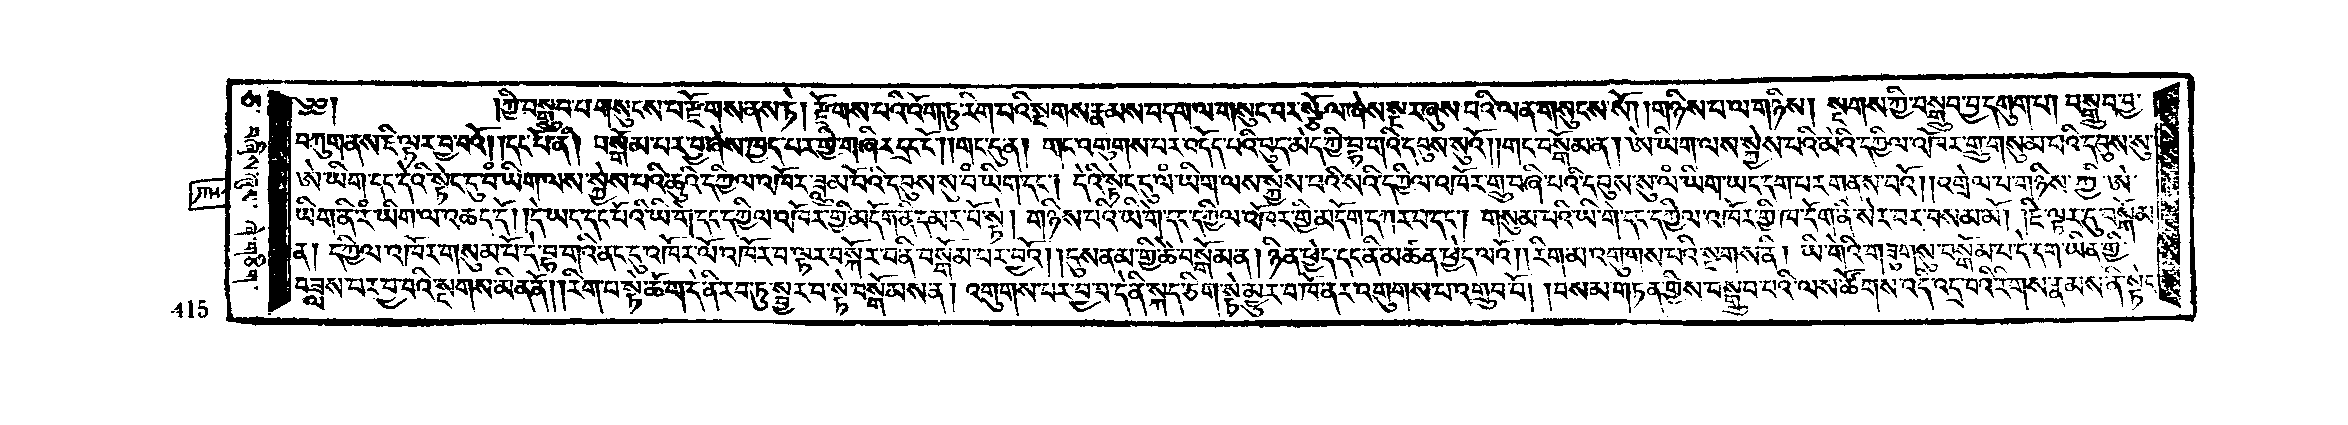༄༅། །ཀྱི་བསྒྲུབ་པ་གསུངས་པ་རྫོགས་ནས་ཏེ། རྫོགས་པའི་འོག་ཏུ་རིག་པའི་སྔགས་རྣམས་བདག་ལ་གསུང་བར་སྩོལ་ཞེས་སྔར་ཞུས་པའི་ལན་གསུངས་སོ། །གཉིས་པ་ལ་གཉིས། སྔགས་ཀྱི་བསྒྲུབ་བྱ་དགུག་པ། བསྒྲུབ་བྱ་
བཀུག་ནས་ཇི་ལྟར་བྱ་བའོ། །དང་པོ་ནི། བསྒོམ་པར་བྱ་ཞེས་ཁྱད་པར་གྱི་གཞིར་དྲང་ངོ། །གང་དུ་ན། གང་འགུགས་པར་འདོད་པའི་བུད་མེད་ཀྱི་བྷ་གའི་དབུས་སུའོ། །གང་བསྒོམ་ན། ཨེ་ཡིག་ལས་སྐྱེས་པའི་མེའི་དཀྱིལ་འཁོར་གྲུ་གསུམ་པའི་དབུས་སུ་
ཨེ་ཡིག་དང་དེའི་སྟེང་དུ་བཾ་ཡིག་ལས་སྐྱེས་པའི་ཆུའི་དཀྱིལ་འཁོར་ཟླུམ་པོའི་དབུས་སུ་བཾ་ཡིག་དང་། དེའི་སྟེང་དུ་ལཾ་ཡིག་ལས་སྐྱེས་པའི་སའི་དཀྱིལ་འཁོར་གྲུ་བཞི་པའི་དབུས་སུ་ལཾ་ཡིག་ཡང་དག་པར་གནས་པའོ། །འགྲེལ་པ་གཉིས་ཀྱི་ཨེ་
ཡིག་ནི་རཾ་ཡིག་ལ་འཆད་དོ། །དེ་ཡང་དང་པོའི་ཡི་གེ་དང་དཀྱིལ་འཁོར་གྱི་མདོག་ནི་དམར་པོ་སྟེ། གཉིས་པའི་ཡི་གེ་དང་དཀྱིལ་འཁོར་གྱི་མདོག་དཀར་བ་དང་། གསུམ་པའི་ཡི་གེ་དང་དཀྱིལ་འཁོར་གྱི་ཁ་དོག་ནི་སེར་བར་བསམ་མོ། །ཇི་ལྟར་དུ་བསྒོམ་
ན། དཀྱིལ་འཁོར་གསུམ་པོ་དེ་བྷ་གའི་ནང་དུ་འཁོར་ལོ་འཁོར་བ་ལྟར་བསྐོར་བ་ནི་བསྒོམ་པར་བྱའོ། །དུས་ནམ་གྱི་ཚེ་བསྒོམ་ན། ཉིན་ཕྱེད་དང་ནི་མཚན་ཕྱེད་ལའོ། །རིག་མ་འགུགས་པའི་སྔགས་ནི། ཡི་གེའི་གཟུགས་སུ་བསྒོམ་པ་དེ་དག་ཡིན་གྱི་
བཟླས་པར་བྱ་བའི་སྔགས་མིན་ནོ། །རིག་པ་སྟེ་ཆོ་ག་དེ་ནི་རབ་ཏུ་སྦྱར་བ་སྟེ་བསྒོམས་ན། འགུགས་པར་བྱ་བ་དེ་ནི་སྐད་ཅིག་སྟེ་མྱུར་བ་ཁོ་ནར་འགུགས་པ་འགྲུབ་པོ། །བསམ་གཏན་གྱིས་བསྒྲུབ་པའི་ལས་ཚོགས་འདི་འདྲ་བའི་རིགས་རྣམས་ནི་སྟེང་